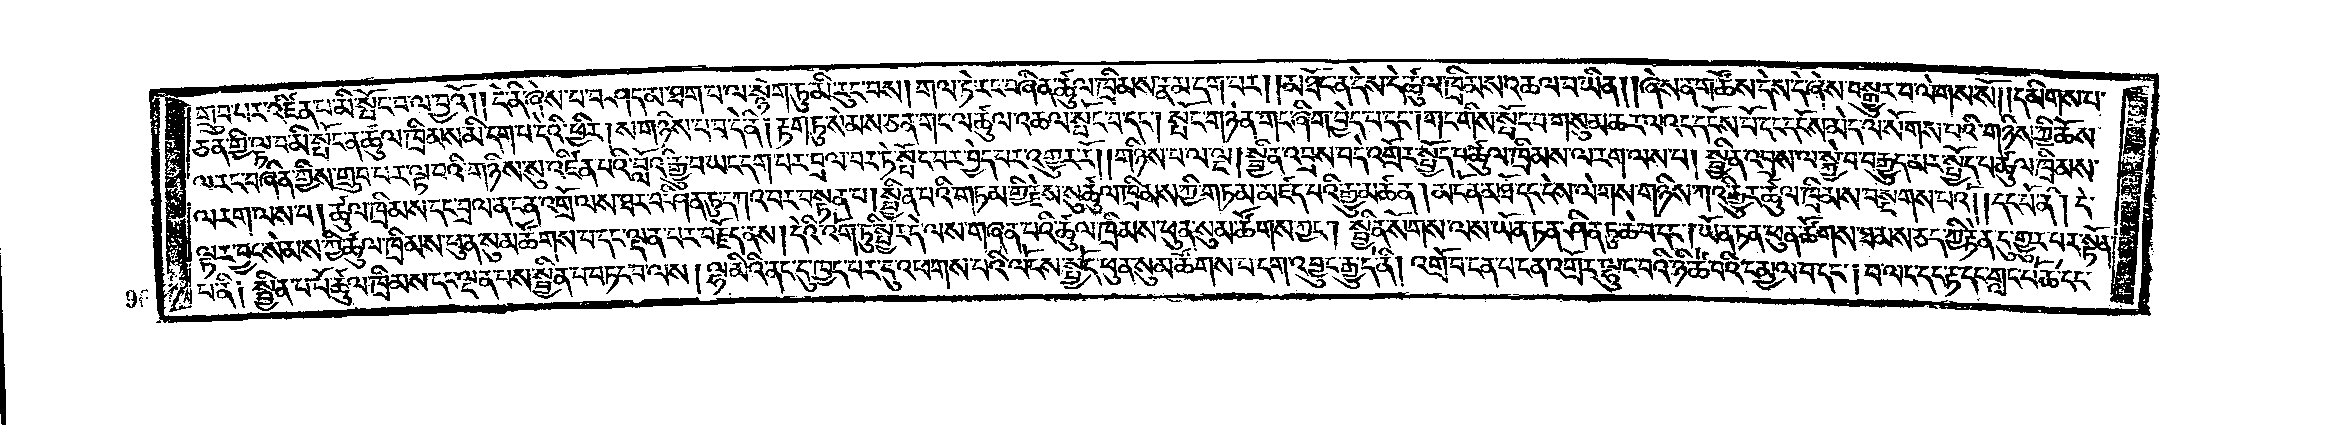གྲུབ་པར་འཛིན་པ་མི་སྤོང་བ་ལ་བྱའོ། །དེ་ནི་ཞེས་པ་བཤད་མ་ཐག་པ་ལ་སྙོག་ཏུ་མི་རུང་བས། གལ་ཏེ་རང་བཞིན་ཚུལ་ཁྲིམས་རྣམ་དག་པར། །མཐོང་ན་དེས་དེ་ཚུལ་ཁྲིམས་འཆལ་བ་ཡིན། །ཞེས་ནག་ཚོས་དེས་དེ་ཞེས་བསྒྱུར་བ་ལེགས་སོ། །དམིགས་པ་
ཅན་གྱི་ལྟ་བ་མི་སྤོང་ན་ཚུལ་ཁྲིམས་མི་དག་པ་དེའི་ཕྱིར། ས་གཉིས་པ་བ་དེ་ནི། རྟག་ཏུ་སེམས་ཅན་གང་ལ་ཚུལ་འཆལ་སྤོང་བ་དང་། སྤོང་གཉེན་གང་ཞིག་བྱེད་པ་དང་། གང་གིས་སྤོང་བ་གསུམ་ཆར་ལའང་དངོས་པོ་དང་དངོས་མེད་ལ་སོགས་པའི་གཉིས་ཀྱི་ཆོས་
ལ་རང་བཞིན་གྱིས་གྲུབ་པར་ལྟ་བའི་གཉིས་སུ་འཛིན་པའི་བློའི་རྒྱུ་བ་ཡང་དག་པར་བྲལ་བར་ཏེ་སྤོང་བར་བྱེད་པར་འགྱུར་རོ། །གཉིས་པ་ལ་ལྔ། སྦྱིན་འབྲས་བདེ་འགྲོར་སྤྱོད་པ་ཚུལ་ཁྲིམས་ལ་རག་ལས་པ། སྦྱིན་འབྲས་ལ་སྐྱེ་བ་བརྒྱུད་མར་སྤྱོད་པ་ཚུལ་ཁྲིམས་
ལ་རག་ལས་པ། ཚུལ་ཁྲིམས་དང་བྲལ་ན་ངན་འགྲོ་ལས་ཐར་པ་ཤིན་ཏུ་དཀའ་བར་བསྟན་པ། སྦྱིན་པའི་གཏམ་གྱི་རྗེས་སུ་ཚུལ་ཁྲིམས་ཀྱི་གཏམ་མཛད་པའི་རྒྱུ་མཚན། མངོན་མཐོ་དང་ངེས་ལེགས་གཉིས་ཀའི་རྒྱུར་ཚུལ་ཁྲིམས་བསྔགས་པའོ། །དང་པོ་ནི། དེ་
ལྟར་བྱང་སེམས་ཀྱི་ཚུལ་ཁྲིམས་ཕུན་སུམ་ཚོགས་པ་དང་ལྡན་པར་བརྗོད་ནས། དེའི་འོག་ཏུ་སྤྱིར་དེ་ལས་གཞན་པའི་ཚུལ་ཁྲིམས་ཕུན་སུམ་ཚོགས་ཀྱང་། སྦྱིན་སོགས་ལས་ཡོན་ཏན་ཤིན་ཏུ་ཆེ་བ་དང་། ཡོན་ཏན་ཕུན་ཚོགས་ཐམས་ཅད་ཀྱི་རྟེན་དུ་གྱུར་པར་སྟོན་
པ་ནི། སྦྱིན་པ་པོ་ཚུལ་ཁྲིམས་དང་ལྡན་པས་སྦྱིན་པ་བཏང་བ་ལས། ལྷ་མིའི་ནང་དུ་ཁྱད་པར་དུ་འཕགས་པའི་ལོངས་སྤྱོད་ཕུན་སུམ་ཚོགས་པ་དག་འབྱུང་རྒྱུ་དེ་ནི། འགྲོ་བ་ངན་པ་ངན་འགྲོར་ལྷུང་བའི་ཉི་ཚེ་བའི་དམྱལ་བ་དང་། བ་ལང་དང་རྟ་དང་གླང་པོ་ཆེ་དང་